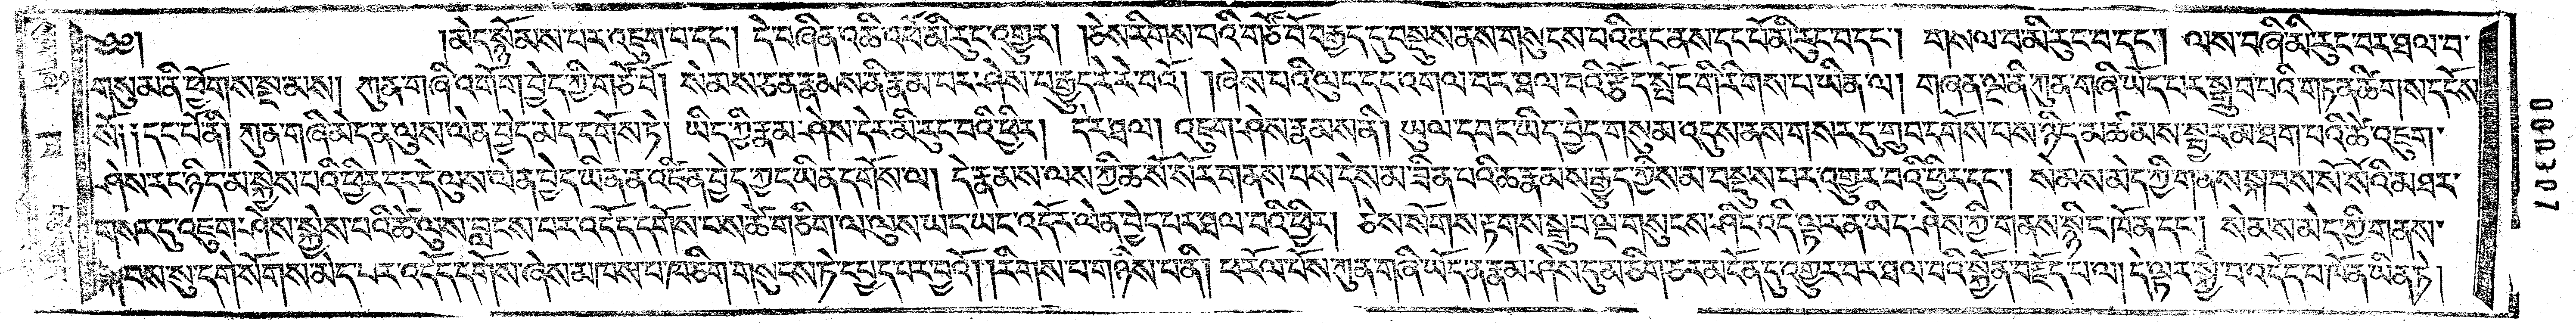༄༅། །མེད་སྙོམས་པར་འཇུག་པ་དང་། དེ་བཞིན་འཆི་འཕོ་མི་རུང་འགྱུར། །ཅེས་རིགས་པའི་གཙོ་བོ་བརྒྱད་དུ་བསྡུས་ནས་གསུངས་པའི་ནང་ནས་དང་པོ་མི་རུང་བ་དང་། གསལ་བ་མི་རུང་བ་དང་། ལས་བཞི་མི་རུང་བར་ཐལ་བ་
གསུམ་ནི་ཕྱོགས་སྔ་མས། ཀུན་གཞི་འགོག་བྱེད་ཀྱི་གཙོ་བོ། སེམས་ཅན་རྣམས་ནི་རྣམ་པར་ཤེས་པ་རྒྱུད་རེ་རེ་བའོ། །ཞེས་པའི་ལུང་དང་འགལ་བར་ཐལ་བའི་རྩོད་སྤོང་གི་རིགས་པ་ཡིན་ལ། གཞན་ལྔ་ནི་ཀུན་གཞི་ཡོད་པར་སྒྲུབ་པའི་གཏན་ཚིགས་དངོས་
སོ༑ ༑དང་པོ་ནི། ཀུན་གཞི་མེད་ན་ལུས་ལེན་བྱེད་མེད་དགོས་ཏེ། ཡིད་ཀྱི་རྣམ་ཤེས་དེར་མི་རུང་བའི་ཕྱིར། དེར་ཐལ། འཇུག་ཤེས་རྣམས་ནི། ཡུལ་དབང་ཡིད་བྱེད་གསུམ་འདུས་ནས་གསར་དུ་གྲུབ་དགོས་པས་ཉིད་མཚམས་སྦྱར་མ་ཐག་པའི་ཚེ་འཇུག་
ཤེས་རང་ཉིད་མ་སྐྱེས་པའི་ཕྱིར་དང་དེ་ལུས་ལེན་བྱེད་ཡིན་ན་འཛིན་བྱེད་ཀྱང་ཡིན་དགོས་ལ། དེ་རྣམས་ལས་ཀྱི་ཆ་སོ་སོར་གནས་པས་དེས་མ་ཟིན་པའི་ཆ་རྣམས་རྒྱུད་ཀྱིས་མ་བསྡུས་པར་འགྱུར་བའི་ཕྱིར་དང་། སེམས་མེད་ཀྱི་གནས་སྐབས་སོ་སོའི་མཐར་
གསར་དུ་འཇུག་ཤེས་སྐྱེས་པའི་ཚེ་ལུས་བླངས་པར་འདོད་དགོས་པས་ཚེ་གཅིག་ལ་ལུས་ཡང་ཡང་འདོར་ལེན་བྱེད་པར་ཐལ་བའི་ཕྱིར། ཅེས་སོགས་རྟགས་སྒྲུབ་ལྔ་གསུངས་ཤིང་འདི་ལྟར་ན་ཡིད་ཤེས་ཀྱི་གནས་སྙིང་ཁོ་ན་དང་། སེམས་མེད་ཀྱི་གནས་
སྐབས་སུ་དགེ་སོགས་མེད་པར་འདོད་དགོས་ཞེས་མཁས་པ་ཁ་ཅིག་གསུངས་ཏེ་དཔྱད་པར་བྱའོ། །རིགས་པ་གཉིས་པ་ནི། ཕ་རོལ་པོས་ཀུན་གཞི་ཡོད་ན་རྣམ་ཤེས་དུ་མ་ཅིག་ཅར་མངོན་དུ་འགྱུར་བར་ཐལ་བའི་སྐྱོན་བརྗོད་པ་ལ། དེ་ལྟར་སྐྱེ་བ་འདོད་པ་ཁོ་ན་ཡིན་ཏེ།